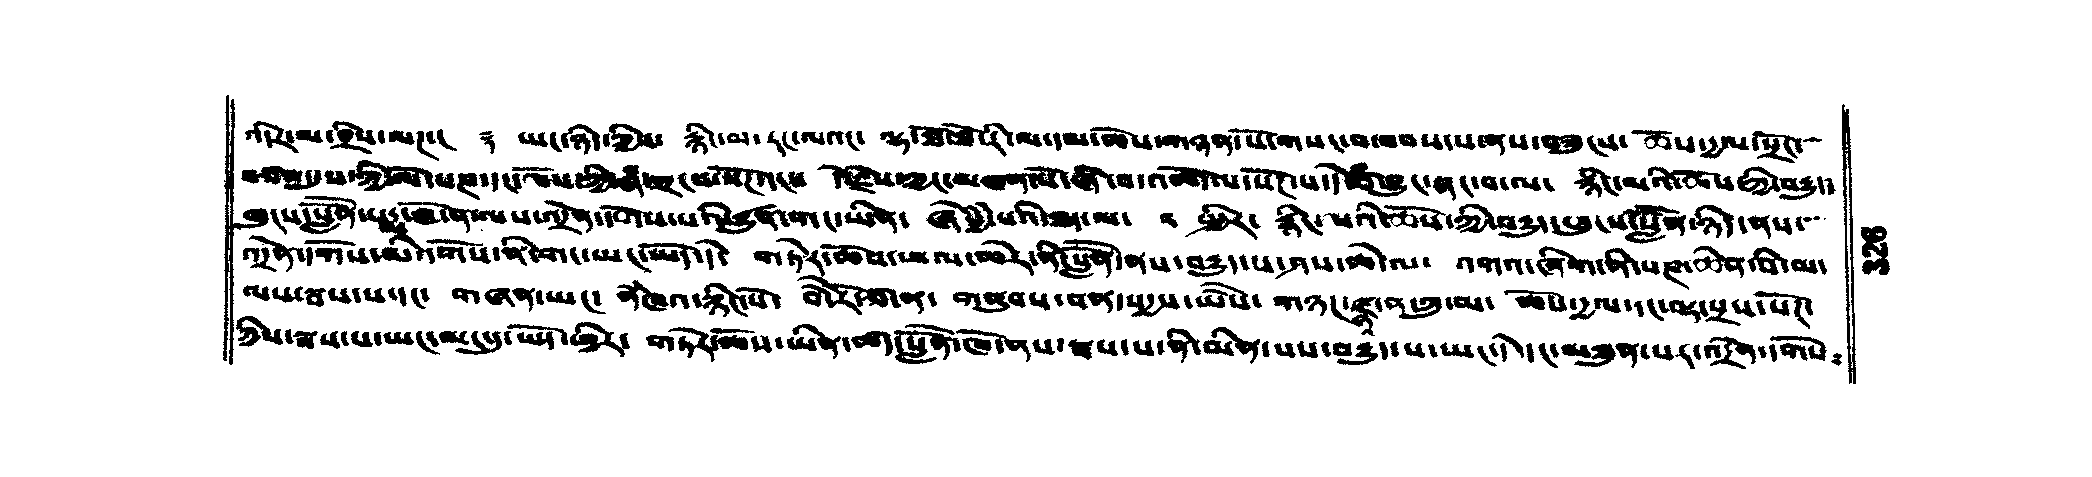འདིརཔམཔབྲིསཔ་པལགས། ཡངཔཉིདཔཀྱིས། རྙིངཔམཔརངཔལའངཔལྷཔཐོཔཐོཔརིཔལཔདམཔཆོསཔགཉནཔ་ོཔགསངཔབཔབབསཔ་པནསཔབཟུངཔཆོསཔརྒྱལཔསྲོང
པབཙནཔདུསཔཀྱིཔལོཔ་ཎཔདངཔཆོསཔཀྱིཔརྣམཔགྲངསཔསོགསཔདངཔ། དེཔརྗེསཔཀྱངཔམཁནཔ་ོཔཞིཔབཔའཚོཔལཔསོགསཔ་པདེཔཙམཔབྱུངཔསྣངཔབཔལ། རྙིངཔམའིཔཆོསཔཀྱིཔབརྒྱུད
པཁུངསཔསློབཔད་ོནཔ་དྨཔཁོཔནཔལསཔའདྲེནཔདགོསཔ་འིཔརྒྱུཔམཚནཔགངཔཡིནཔ། ཞེསཔ་འིཔཐདཔལ། སྤྱིརཔརྙིངཔམའིཔཆོསཔཀྱིཔབརྒྱུདཔཁུངསཔསློབཔད་ོནཔཉིདཔནས
པའདྲེནཔདགོསཔམིཔདགོསཔནིཔགངཔཡངཔཡོདཔདེ། གཏེརཔཆོསཔཕལཔཆེརཔནིཔསློབཔད་ོནཔནསཔབརྒྱུདཔ་པཤསཔཆེཔལ། འགའཔཞིགཔནིཔ་ཎཔཆེནཔབིཔམ
པལསཔསྦསཔ་པདངཔ། གཞནཔཡངཔནམཔམཁའིཔསྙིངཔ་ོ། བཻཔརོཔཙཱཔན། གནུབསཔབནཔསངསཔརྒྱསཔཡེཤེས། གཉགསཔཛྙཱཔནཔཀུཔམར། ཆོསཔརྒྱལཔདངཔལྷཔསྲསཔསོགས
པཀྱིསཔསྦསཔ་པཡངཔམངཔདུཔཡོདཔཕྱིར། གཏེརཔཆོསཔཡིནཔཚདཔསློབཔད་ོནཔཁོཔནསཔསྦསཔ་པནིཔམིནཔ་སཔབརྒྱུདཔ་པཡངཔདེཔདངཔམཐུནཔ་རཔའདྲེནཔདགོསཔ